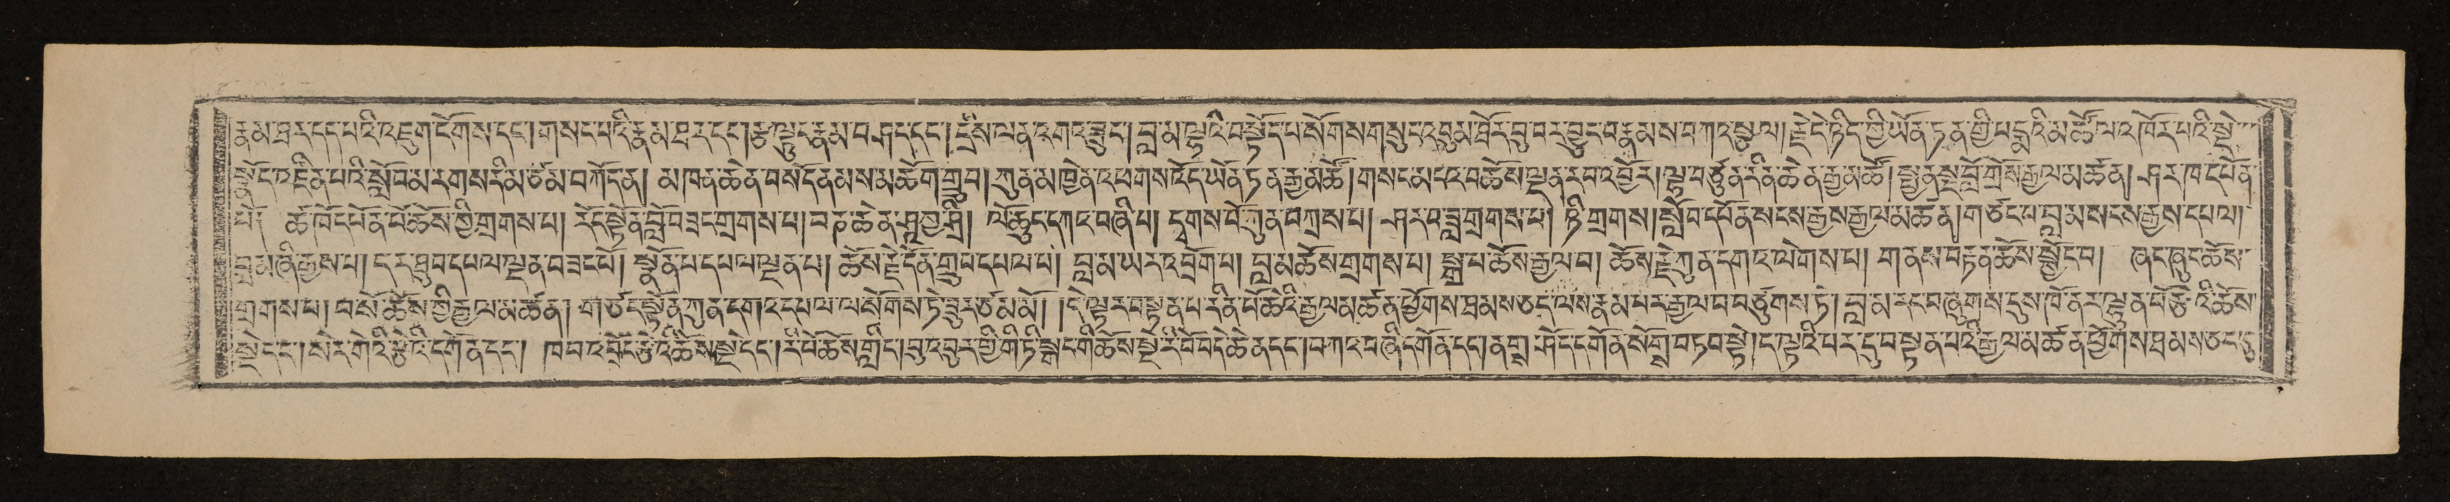རྣམ་ཐར་དད་པའི་འཇུག་དོགས་དང་། གསང་བའི་རྣམ་ཐར་དང་། རྩ་ལྟུང་རྣམ་བཤད་དང་། དྲིས་ལན་འགའ་ཟུང་། བླ་མ་ལྷའི་བསྟོད་པ་སོགས་གསུང་འབུམ་ཐོར་བུ་བར་བྱུང་བ་རྣམས་བཀའ་སྩལ། རྗེ་དེ་ཉིད་ཀྱི་ཡོན་ཏན་གྱི་པདམའི་མཚོ་ལ་འཁོར་བའི་སྡེ་
སྣོད་འཛིན་པའི་སློབ་མ་རགས་རིམ་ཙམ་བཀོད་ན། མཁན་ཆེན་བསོད་ནམས་མཆོག་གྲུབ། ཀུན་མཁྱེན་འཕགས་འོད་ཡོན་ཏན་རྒྱ་མཚོ། གསང་མདའ་བ་ཆོས་ལྡན་རབ་འབྱོར། ལྷ་བཙུན་རིན་ཆེན་རྒྱ་མཚོ། སྤྱན་སྔ་བློ་གྲོས་རྒྱལ་མཚན། ཤར་ཁ་དབོན་
པོ། ཚ་ཁོ་དཔོན་པོ་ཆོས་ཀྱི་གྲགས་པ། རོང་སྟོན་བློ་བཟང་གྲགས་པ། པཎ་ཆེན་ཤཱཀྱ་ཤྲི། ལོ་ཆུང་དཀའ་བཞི་པ། དྭགས་པོ་ཀུན་བཀྲས་པ། ཤར་བཟླ་གྲགས་པ། ཉི་གྲགས། སློབ་དཔོན་སངས་རྒྱས་རྒྱལ་མཚན། གཙང་བ་བླ་མ་སངས་རྒྱས་དཔལ།
བླ་མ་ཞི་རྒྱས་པ། དར་ཐུབ་དཔལ་ལྡན་བཟང་པོ། སྣོན་པ་དཔལ་ལྡན་པ། ཆོས་རྗེ་དོན་གྲུབ་དཔལ་པ། བླ་མ་ཡར་འབྲོག་པ། བླ་མ་ཆོས་གྲགས་པ། སྒྲ་པ་ཆོས་རྒྱལ་བ། ཆོས་རྗེ་ཀུན་དགའ་ལེགས་པ། གནས་བརྟན་ཆོས་སྐྱོང་པ། ཞང་ཞུང་ཆོས་
གྲགས་པ། བ་སོ་ཆོས་ཀྱི་རྒྱལ་མཚན། གཙང་སྟོན་ཀུན་དགའ་དཔལ་ལ་སོགས་ཏེ་ཟུར་ཙམ་མོ། །དེ་ལྟར་བསྟན་པ་རིན་པོ་ཆེའི་རྒྱལ་མཚན་ཕྱོགས་ཐམས་ཅད་ལས་རྣམ་པར་རྒྱལ་བ་བཙུགས་ཏེ། བླ་མ་རང་བཞུགས་དུས་ཁོ་ནར་ལྷུན་པོ་རྩེའི་ཆོས་
སྡེ་དང་། སེང་གེའི་རྩེའི་དགོན་དང་། ཁབ་འབྲོང་རྩེའི་ཆོས་སྡེ་དང་། རི་བོ་ཆོས་གླིང་། བུ་འབུར་གྱི་གི་ཏི་སྒང་གི་ཆོས་སྡེ་རི་བོ་བདེ་ཆེན་དང་། བཀའ་བཞི་དགོན་དང་། ནགས་ཤོད་དགོན་སོགས་བཏབ་སྟེ། ད་ལྟའི་བར་དུ་བསྟན་པའི་རྒྱལ་མཚན་ཕྱོགས་ཐམས་ཅད་དུ་